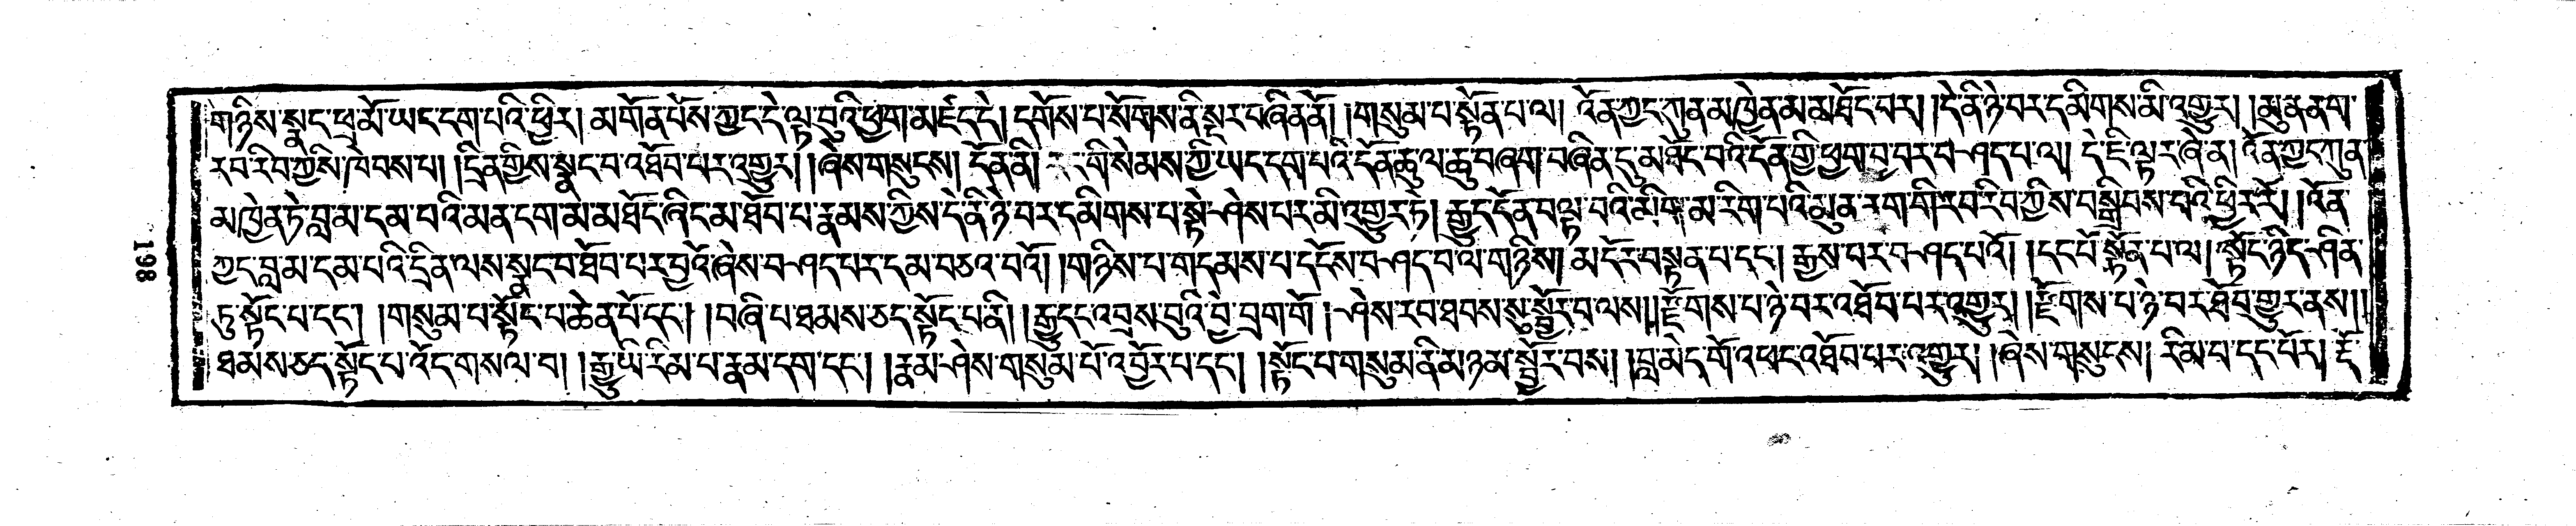གཉིས་སྣང་ཕྲ་མོ་ཡང་དག་པའི་ཕྱིར། མགོན་པོས་ཀྱང་དེ་ལྟ་བུའི་ཕྱག་མཛད་དེ། དགོས་པ་སོགས་ནི་སྔར་བཞིན་ནོ། །གསུམ་པ་སྟོན་པ་ལ། འོན་ཀྱང་ཀུན་མཁྱེན་མ་མཐོང་བར། །དེ་ནི་ཉེ་བར་དམིགས་མི་འགྱུར། །མུན་ནས་
རབ་རིབ་ཀྱིས་ཁེབས་པ། །དྲིན་གྱིས་སྣང་བ་འཐོབ་པར་འགྱུར། །ཞེས་གསུངས། དོན་ནི། རང་གི་སེམས་ཀྱི་ཡང་དག་པའི་དོན་ཆུ་ལ་ཆུ་བཞག་བཞིན་དུ་མཐོང་བའི་དོན་གྱི་ཕྱག་བྱ་བར་བཤད་པ་ལ། དེ་ཇི་ལྟར་ཞེ་ན། འོན་ཀྱང་ཀུན་
མཁྱེན་ཏེ་བླ་མ་དམ་པའི་མན་ངག་མ་མཐོང་ཞིང་མ་ཐོབ་པ་རྣམས་ཀྱིས་དེ་ནི་ཉེ་བར་དམིགས་པ་སྟེ་ཤེས་པར་མི་འགྱུར་ཏེ། རྒྱུད་དོན་བལྟ་བའི་མིག་མ་རིག་པའི་མུན་ནག་གི་རབ་རིབ་ཀྱིས་བསྒྲིབས་པའི་ཕྱིར་རོ། །འོན་
ཀྱང་བླ་མ་དམ་པའི་དྲིན་ལས་སྣང་བ་ཐོབ་པར་བྱའོ་ཞེས་བཤད་པར་དམ་བཅའ་བའོ། །གཉིས་པ་གདམས་པ་དངོས་བཤད་པ་ལ་གཉིས། མདོར་བསྟན་པ་དང་། རྒྱས་པར་བཤད་པའོ། །དང་པོ་སྟོན་པ་ལ། སྟོང་ཉིད་ཤིན་
ཏུ་སྟོང་པ་དང་། །གསུམ་པ་སྟོང་པ་ཆེན་པོ་དང་། །བཞི་པ་ཐམས་ཅད་སྟོང་པ་ནི། །རྒྱུ་དང་འབྲས་བུའི་བྱེ་བྲག་གོ །ཤེས་རབ་ཐབས་སུ་སྦྱོར་བ་ལས། །རྫོགས་པ་ཉེ་བར་འཐོབ་པར་འགྱུར། །རྫོགས་པ་ཉེ་བར་ཐོབ་གྱུར་ནས། །
ཐམས་ཅད་སྟོང་པ་འོད་གསལ་བ། །རྒྱུ་ཡི་རིམ་པ་རྣམ་དག་དང་། །རྣམ་ཤེས་གསུམ་པོ་འབྱོར་བ་དང་། །སྟོང་པ་གསུམ་ནི་མཉམ་སྦྱོར་བས། །བླ་མེད་གོ་འཕང་འཐོབ་པར་འགྱུར། །ཞེས་གསུངས། རིམ་པ་དང་པོར། རྡོ་